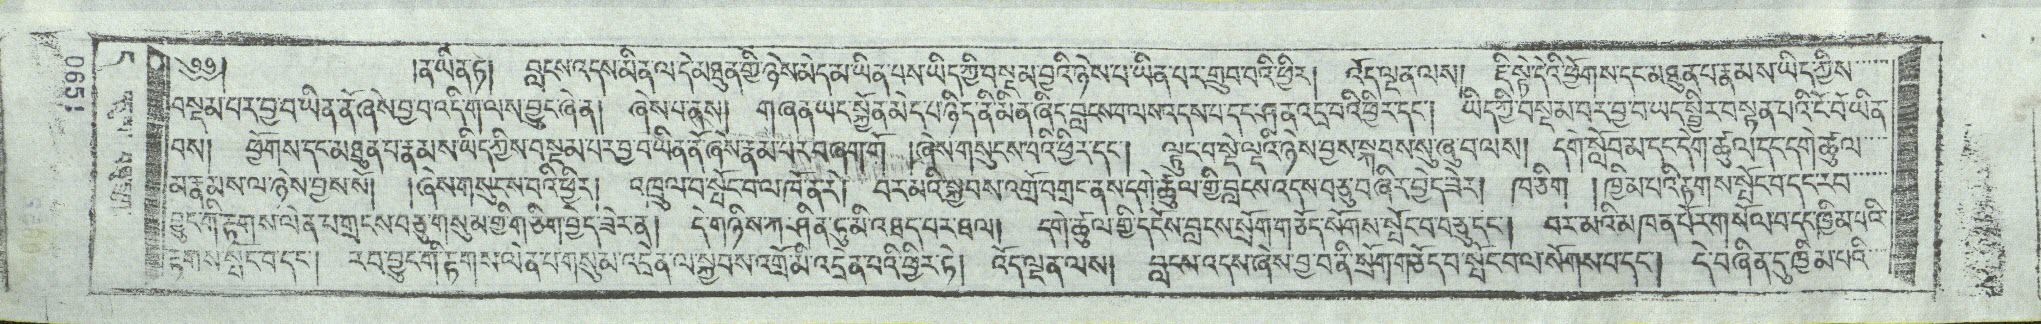༄༅། །ན་ཡིན་ཏེ། བླངས་འདས་མིན་ལ་དེ་མཐུན་གྱི་ཉེས་མེད་མ་ཡིན་པས་ཡིད་ཀྱི་བསྡམ་བྱའི་ཉེས་པ་ཡིན་པར་གྲུབ་པའི་ཕྱིར། འོད་ལྡན་ལས། ཇི་སྟེ་དེའི་ཕྱོགས་དང་མཐུན་པ་རྣམས་ཡིད་ཀྱིས་
བསྡམ་པར་བྱ་བ་ཡིན་ནོ་ཞེས་བྱ་བ་འདི་ག་ལས་བྱུང་ཞེ་ན། ཞེས་པ་ནས། གཞན་ཡང་སྐྱོན་མེད་པ་ཉིད་ནི་མིན་ཞིང་བླངས་པ་ལས་འདས་པ་དང་ཤན་འདྲ་བའི་ཕྱིར་དང་། ཡིད་ཀྱི་བསྡམ་པར་བྱ་བ་ཡང་སྤྱིར་བསྟན་པའི་ངོ་བོ་ཡིན་
པས། ཕྱོགས་དང་མཐུན་པ་རྣམས་ཡིད་ཀྱིས་བསྡམ་པར་བྱ་བ་ཡིན་ནོ་ཞེས་རྣམ་པར་བཞག་གོ །ཞེས་གསུངས་པའི་ཕྱིར་དང་། ལྟུང་བ་སྡེ་ལྔའི་ཉེས་བྱས་སྐབས་སུ་ཞུ་བ་ལས། དགེ་སློབ་མ་དང་དགེ་ཚུལ་དང་དགེ་ཚུལ་
མ་རྣམས་ལ་ཉེས་བྱས་སོ། །ཞེས་གསུངས་པའི་ཕྱིར། འཁྲུལ་བ་སྤོང་བ་ལ་ཁོ་ན་རེ། བར་མའི་སྐྱབས་འགྲོ་བགྲང་ནས་དགེ་ཚུལ་གྱི་བླངས་འདས་བཅུ་བཞིར་བྱེད་ཟེར། ཁ་ཅིག །ཁྱིམ་པའི་རྟགས་སྤོང་བ་དང་རབ་
བྱུང་གི་རྟགས་ལེན་པ་གྲངས་བཅུ་གསུམ་གྱི་གཅིག་བྱེད་ཟེར་ན། དེ་གཉིས་ཀ་ཤིན་ཏུ་མི་འཐད་པར་ཐལ། དགེ་ཚུལ་གྱི་དངོས་བླངས་སྲོག་གཅོད་སོགས་སྤོང་བ་བཅུ་དང་། བར་མའི་མཁན་པོར་གསོལ་བ་དང་ཁྱིམ་པའི་
རྟགས་སྤོང་བ་དང་། རབ་བྱུང་གི་རྟགས་ལེན་པ་གསུམ་འདྲེན་ལ་སྐྱབས་འགྲོ་མི་འདྲེན་པའི་ཕྱིར་ཏེ། འོད་ལྡན་ལས། བླངས་འདས་ཞེས་བྱ་བ་ནི་སྲོག་གཅོད་པ་སྤོང་བ་ལ་སོགས་པ་དང་། དེ་བཞིན་དུ་ཁྱིམ་པའི་